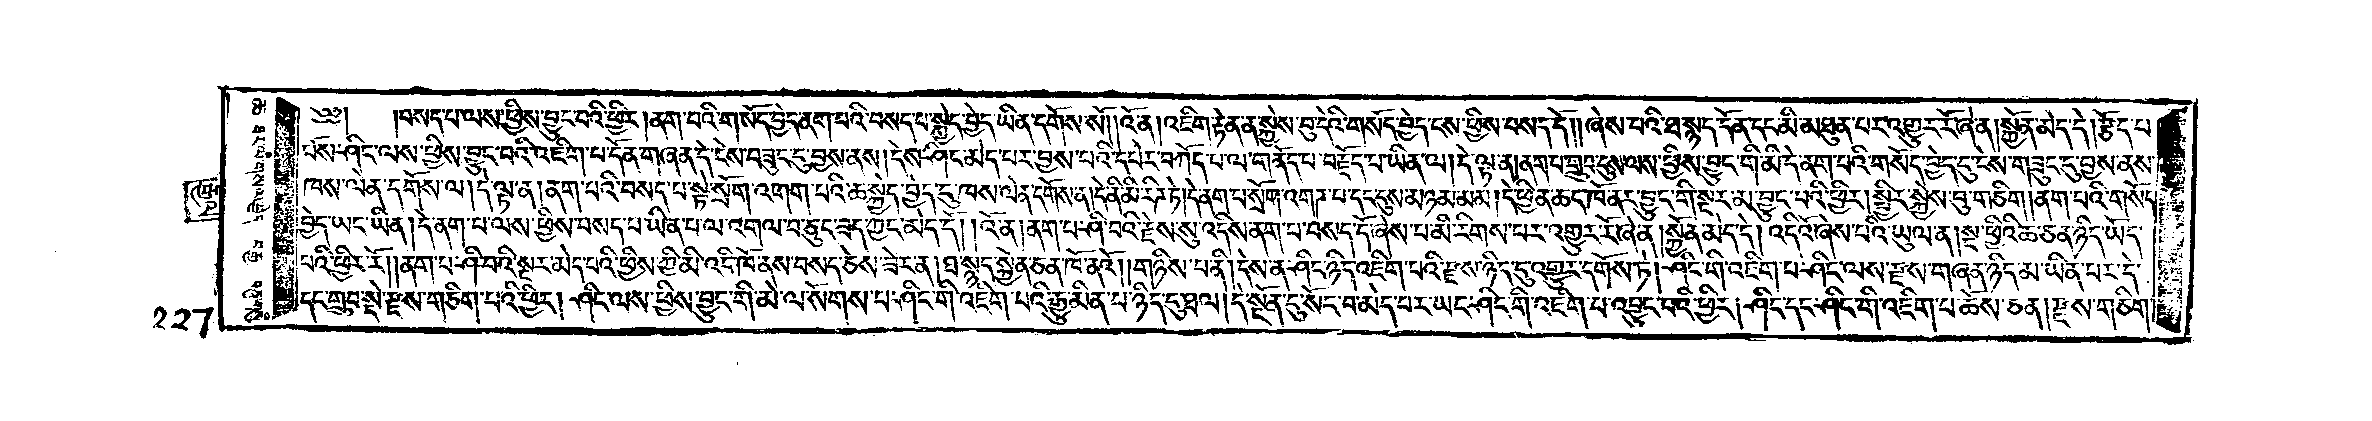༄༅། །བསད་པ་ལས་ཕྱིས་བྱུང་བའི་ཕྱིར། ནག་པའི་གསོད་བྱེད་ནག་པའི་བསད་པ་སྐྱེད་བྱེད་ཡིན་དགོས་སོ། །འོ་ན། འཇིག་རྟེན་ན་སྐྱེས་བུ་དེའི་གསོད་བྱེད་ངས་ཕྱིས་བསད་དོ། །ཞེས་པའི་ཐ་སྙད་དོན་དང་མི་མཐུན་པར་འགྱུར་རོ་ཞེ་ན། སྐྱོན་མེད་དེ། རྩོད་པ་
པོས་ཤིང་ལས་ཕྱིས་བྱུང་བའི་འཇིག་པ་དོན་གཞན་དེ་ངེས་བཟུང་ངུ་བྱས་ནས། དེས་ཤིང་མེད་པར་བྱས་པའི་དཔེར་བཀོད་པ་ལ་གནོད་པ་བརྗོད་པ་ཡིན་ལ། དེ་ལྟ་ན། ནག་པ་གྲུབ་དུས་ལས་ཕྱིས་བྱུང་གི་མི་དེ་ནག་པའི་གསོད་བྱེད་དུ་ངེས་གཟུང་དུ་བྱས་ནས་
ཁས་ལེན་དགོས་ལ། དེ་ལྟ་ན། ནག་པའི་བསད་པ་སྟེ་སྲོག་འགག་པའི་ཆ་སྐྱེད་བྱེད་དུ་ཁས་ལེན་དགོས་ན། དེ་ནི་མི་རིཌ་ཏེ། དེ་ནག་པ་སྲོག་འགཌ་པ་དང་དུས་མཉམ་མམ། དེ་ཕྱིན་ཆད་ཁོ་ནར་བྱུང་གི་སྔར་མ་བྱུང་པའི་ཕྱིར། སྤྱིར་སྐྱེས་བུ་གཅིག། ནག་པའི་གསོད་
བྱེད་ཡང་ཡིན། དེ་ནག་པ་ལས་ཕྱིས་བསད་པ་ཡིན་པ་ལ་འགལ་བ་ཅུང་ཟད་ཀྱང་མེད་དོ། །འོ་ན། ནག་པ་ཤི་བའི་རྗེས་སུ་འདིས་ནག་པ་བསད་དོ་ཞེས་པ་མི་རིགས་པར་འགྱུར་རོ་ཞེ་ན། སྐྱོན་མེད་དེ། འདིའོ་ཞེས་པའི་ཡུལ་ན། སྔ་ཕྱིའི་ཆ་ཅན་ཉིད་ཡོད་
པའི་ཕྱིར་རོ། །ནག་པ་ཤི་བའི་སྔར་མེད་པའི་ཕྱིས་ཀྱི་མི་འདི་ཁོ་ནས་བསད་ཅེས་ཟེར་ན། ཐ་སྙད་སྐྱོན་ཅན་ཁོ་ནའོ། །གཉིས་པ་ནི། དེས་ན་ཤིང་ཉིད་འཇིག་པའི་རྫས་ཉིད་དུ་འགྱུར་དགོས་ཏེ། ཤིང་གི་འཇིག་པ་ཤིང་ལས་རྫས་གཞན་ཉིད་མ་ཡིན་པར་དེ་
དང་གྲུབ་སྡེ་རྫས་གཅིག་པའི་ཕྱིར། ཤིང་ལས་ཕྱིས་བྱུང་གི་མེ་ལ་སོགས་པ་ཤིང་གི་འཇིག་པའི་རྒྱུ་མིན་པ་ཉིད་དུ་ཐལ། དེ་སྔོན་དུ་སོང་བ་མེད་པར་ཡང་ཤིང་གི་འཇིག་པ་འབྱུང་བའི་ཕྱིར། ཤིང་དང་ཤིང་གི་འཇིག་པ་ཆོས་ཅན། རྫས་གཅིག་